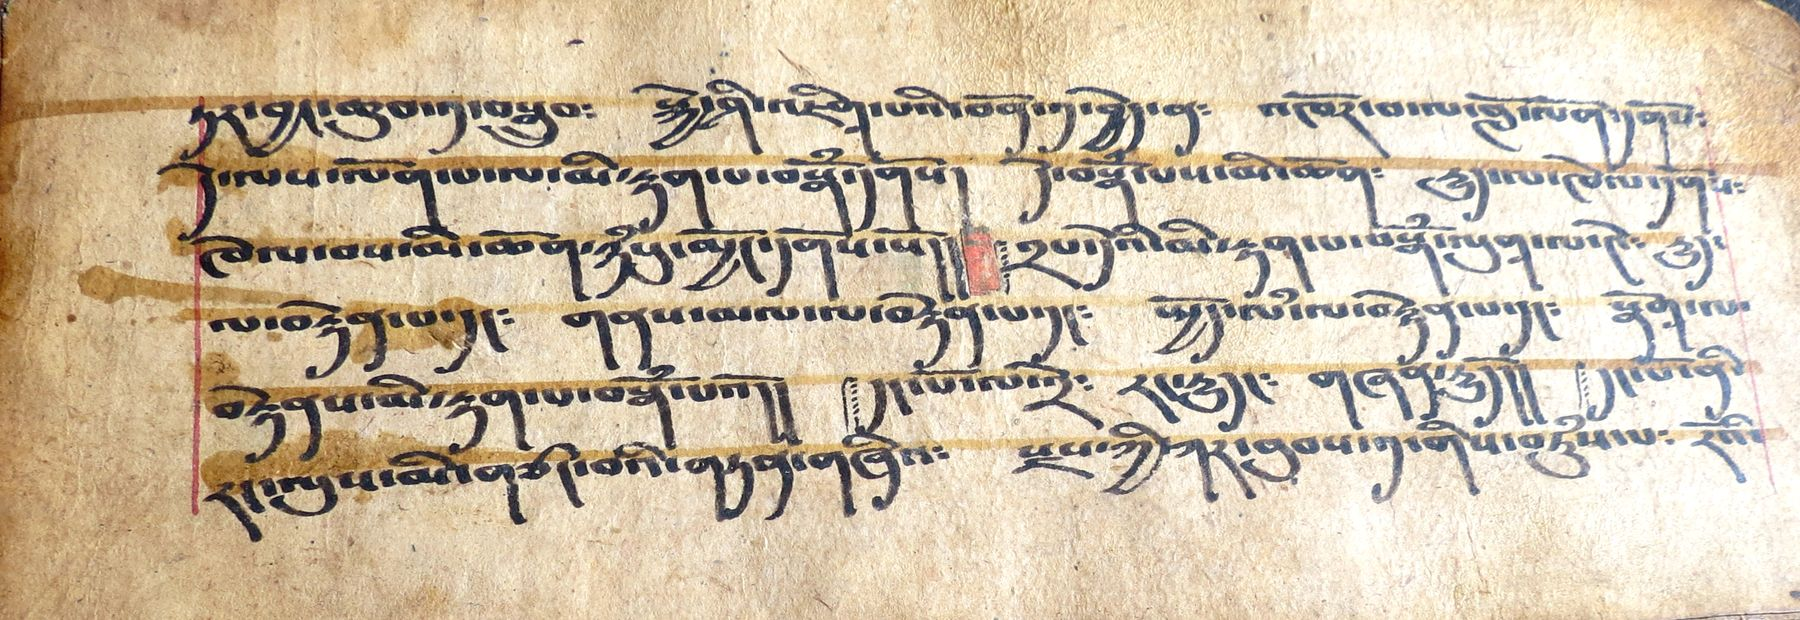ཏར་བྱང་ཆུབ་གཅིག་སྒྲུབ་ཡིན་ཀྱང་། སྐྱེ་ཤིས་འཇིགས་པའི་བོན་ཞིག་བྱེད་ན། འཁོར་བ་ལ་བློ་ལོག་དགོས། 
དེ་ལས་ལེན་པ་ལ་མི་རྟག་པ་བསྒོ་དགོས། དེ་བསྒོམས་པས་མི་ཆོག། རྒྱུད་ལ་ཁེལ་དགོས། 
ཁེལ་བས་མི་ཆོག་ཉམས་སུ་མྱོང་དགོས་སོ། གཉིས་པ་༼འབོར་བའི་ཚུལ༽དེའི་མི་རྟག་པ་སྒོམ་ལུགས་ལ་ཡང་བཞི་སྟེ། རྒྱུད་
ལ་བརྟེན་པ་དང་། གནས་ལ་བརྟེན་པ་དང་། སྤྱོད་ལམ་ལ་བརྟེན་པ་དང་། སྣ་ཚོགས་ལ་
བརྟེན་ནས་མི་རྟག་པ་བསྒོམ་པའོ། ། དང་པོ་༼རྒྱུ་ལ་བརྟེན་པ༽དེ་ལ་གཉིས་ཏེ། རང་རྒྱུད་དང་གཞན་རྒྱུད་དོ། དང་པོ་༼རང་རྒྱུད༽ནི། 
རང་ལུས་མི་གཙང་བའི་གཏན་གཞི། རྫས་སྐྱི་དཀར་བུབས་གཅིག་གིས་བཏུམས་པ། རོ་ཡི་